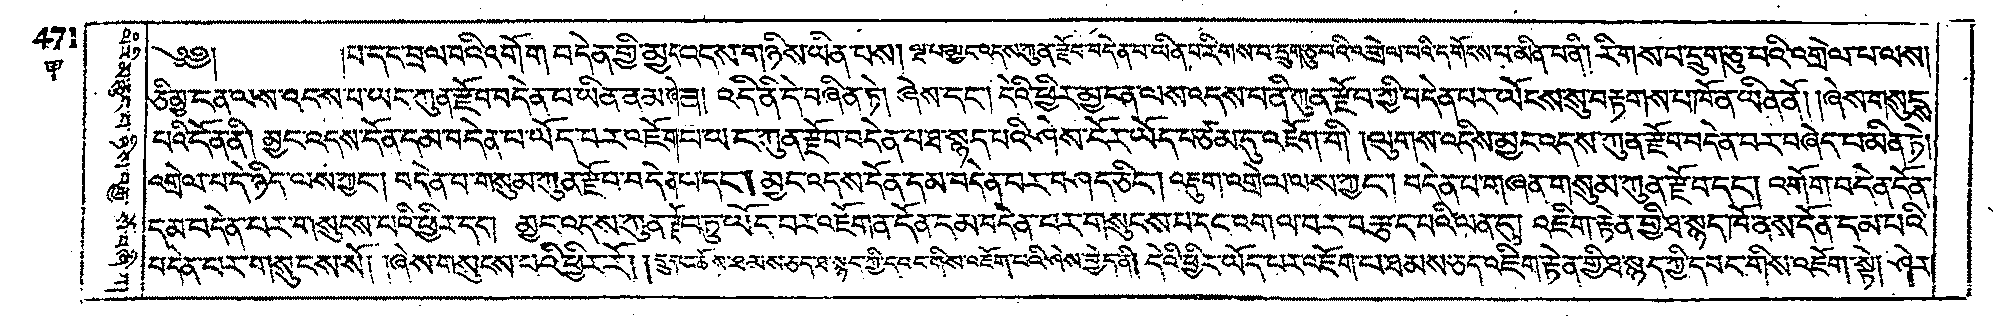༄༅། །པ་དང་བྲལ་བའི་འགོག་བདེན་གྱི་མྱང་འདས་གཉིས་ཡིན་པས། ལྔ་པ་མྱང་འདས་ཀུན་རྫོབ་བདེན་པ་ཡིན་པ་རིགས་པ་དྲུག་ཅུ་པའི་འགྲེལ་པའི་དགོངས་པ་མིན་པ་ནི།  རིགས་པ་དྲུག་ཅུ་པའི་འགྲེལ་པ་ལས།
ཅི་མྱ་ངན་ལས་འདས་པ་ཡང་ཀུན་རྫོབ་བདེན་པ་ཡིན་ནམ་ཞེ་ན། འདི་ནི་དེ་བཞིན་ཏེ། ཞེས་དང་། དེའི་ཕྱིར་མྱ་ངན་ལས་འདས་པ་ནི་ཀུན་རྫོབ་ཀྱི་བདེན་པར་ཡོངས་སུ་བརྟགས་པ་ཁོ་ན་ཡིན་ནོ། །ཞེས་གསུངས་
པའི་དོན་ནི། མྱང་འདས་དོན་དམ་བདེན་པ་ཡོད་པར་འཇོག་པ་ཡང་ཀུན་རྫོབ་བདེན་པ་ཐ་སྙད་པའི་ཤེས་ངོར་ཡོད་པ་ཙམ་དུ་འཇོག་གི། །ལུགས་འདིས་མྱང་འདས་ཀུན་རྫོབ་བདེན་པར་བཞེད་པ་མིན་ཏེ།
འགྲེལ་པ་དེ་ཉིད་ལས་ཀྱང་། བདེན་པ་གསུམ་ཀུན་རྫོབ་བདེན་པ་དང་། མྱང་འདས་དོན་དམ་བདེན་པར་བཤད་ཅིང་། འཇུག་འགྲེལ་ལས་ཀྱང་། བདེན་པ་གཞན་གསུམ་ཀུན་རྫོབ་དང་། འགོག་བདེན་དོན་
དམ་བདེན་པར་གསུངས་པའི་ཕྱིར་དང་། མྱང་འདས་ཀུན་རྫོབ་ཏུ་ཡོད་པར་འཇོག་ན་དོན་དམ་བདེན་པར་གསུངས་པ་དང་འགལ་བར་བརྩད་པའི་ལན་དུ། འཇིག་རྟེན་གྱི་ཐ་སྙད་ཁོ་ནས་དོན་དམ་པའི་
བདེན་པར་གསུངས་སོ། །ཞེས་གསུངས་པའི་ཕྱིར་རོ། །དྲུག་པ་ཆོས་ཐམས་ཅད་ཐ་སྙད་ཀྱི་དབང་གིས་འཇོག་པའི་ཤེས་བྱེད་ནི།  དེའི་ཕྱིར་ཡོད་པར་འཇོག་པ་ཐམས་ཅད་འཇིག་རྟེན་གྱི་ཐ་སྙད་ཀྱི་དབང་གིས་འཇོག་སྟེ། ཤེར་